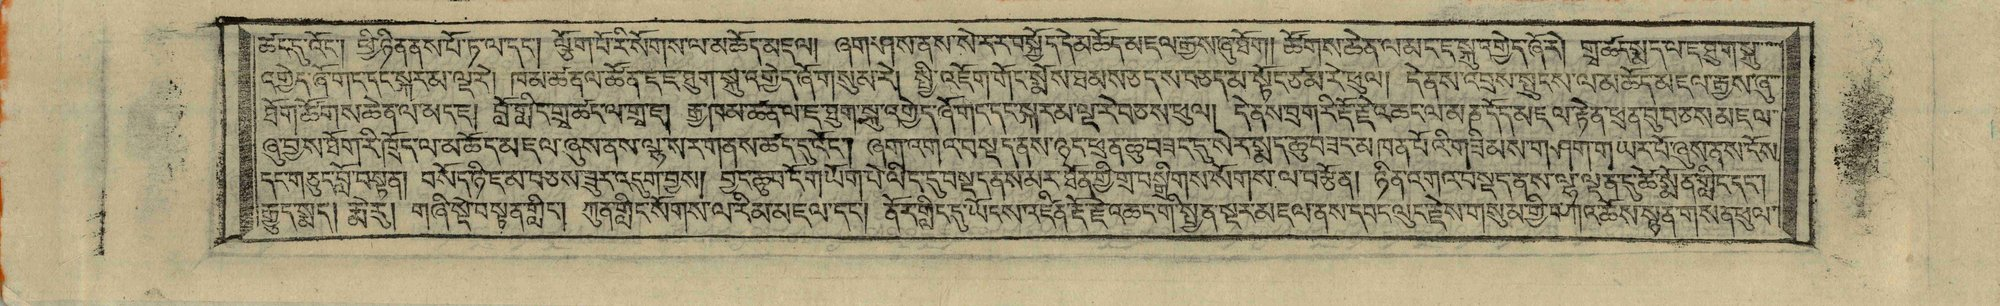ཚང་དུ་འོང་། ཕྱི་ཉིན་ནས་པོ་ཏ་ལ་དང་། ལྕོག་པོ་རི་སོགས་ལ་མཆོད་མཇལ། ཞག་ཤས་ནས་སེ་རར་བསྐྱོད་དེ་མཆོད་མཇལ་རྒྱས་ཞུ་ཐོག །ཚོགས་ཆེན་ལ་མང་ཇ་སྐུ་འགྱེད་ཞོ་རེ། གྲྭ་ཚང་སྨད་ལ་ཇ་ཐུག་སྐུ་
འགྱེད་ཞོ་གང་དང་སྐར་མ་ལྔ་རེ། ཁམ་ཚན་ལ་ཚོན་ཇ་ཇ་ཐུག་སྐུ་འགྱེད་ཞོ་གསུམ་རེ། སྤྱི་འཇོག་གོང་སྨོས་ཐམས་ཅད་ས་བཅད་མ་སྟོང་ཙམ་རེ་ཕུལ། དེ་ནས་འབྲས་སྤུངས་ལ་མཆོད་མཇལ་རྒྱས་ཞུ་
ཐོག་ཚོགས་ཆེན་ལ་མང་ཇ། བློ་གླིང་གྲྭ་ཚང་ལ་གྲྭ་ཇ། རྒྱ་ཁམ་ཚན་ལ་ཇ་ཐུག་སྐུ་འགྱེད་ཞོ་གང་དང་སྐར་མ་ལྔ་རེ་བཅས་ཕུལ། དེ་ནས་བྲག་རི་རྡོ་རྗེ་འཆང་ལ་མཎ་དོད་མཇལ་རྟེན་ཕྲན་བུ་བཅས་མཇལ་
ཞུ་བྱས་ཐོག་རི་ཁྲོད་ལ་མཆོད་མཇལ་ཞུས་ནས་ལྷ་སར་གནས་ཚད་དུ་འོང་། ཞག་འགའ་བསྡད་ནས་ཉང་ཕྲན་ཆུ་བཟང་དུ་སེར་སྨད་ཆུ་བཟང་མཁན་པོའི་གཟིམས་གཤག་གཡར་པོ་ཞུས་ནས་ངོས་
དང་གཅུང་བློ་བསྟན། བསོད་ཉི་ཇ་མ་བཅས་ཟུར་འདུག་བྱས། བྱང་ཆུབ་ངོ་གཡོག་པེ་ལིང་དུ་བསྡད་ནས་མར་ཐོན་གྱི་གྲ་བསྒྲིགས་སོགས་ལ་བརྩོན། ཉིན་འགའ་བསྡད་ནས་ལྷ་ལྡན་དུ་ཚེ་སྨོན་གླིང་དང་།
རྒྱུད་སྨད། རྨེ་རུ། གཞི་སྡེ་བསྟན་གླིང་། ཀུན་གླིང་སོགས་ལ་རིམ་མཇལ་དང་། ནོར་གླིང་དུ་ཡོངས་འཛིན་རྡོ་རྗེ་འཆང་གི་སྤྱན་སྔར་མཇལ་ནས་དབང་ལུང་རྗེས་གསུམ་གྱི་བཀའ་ཆོས་སྙན་གསན་ཕུལ་